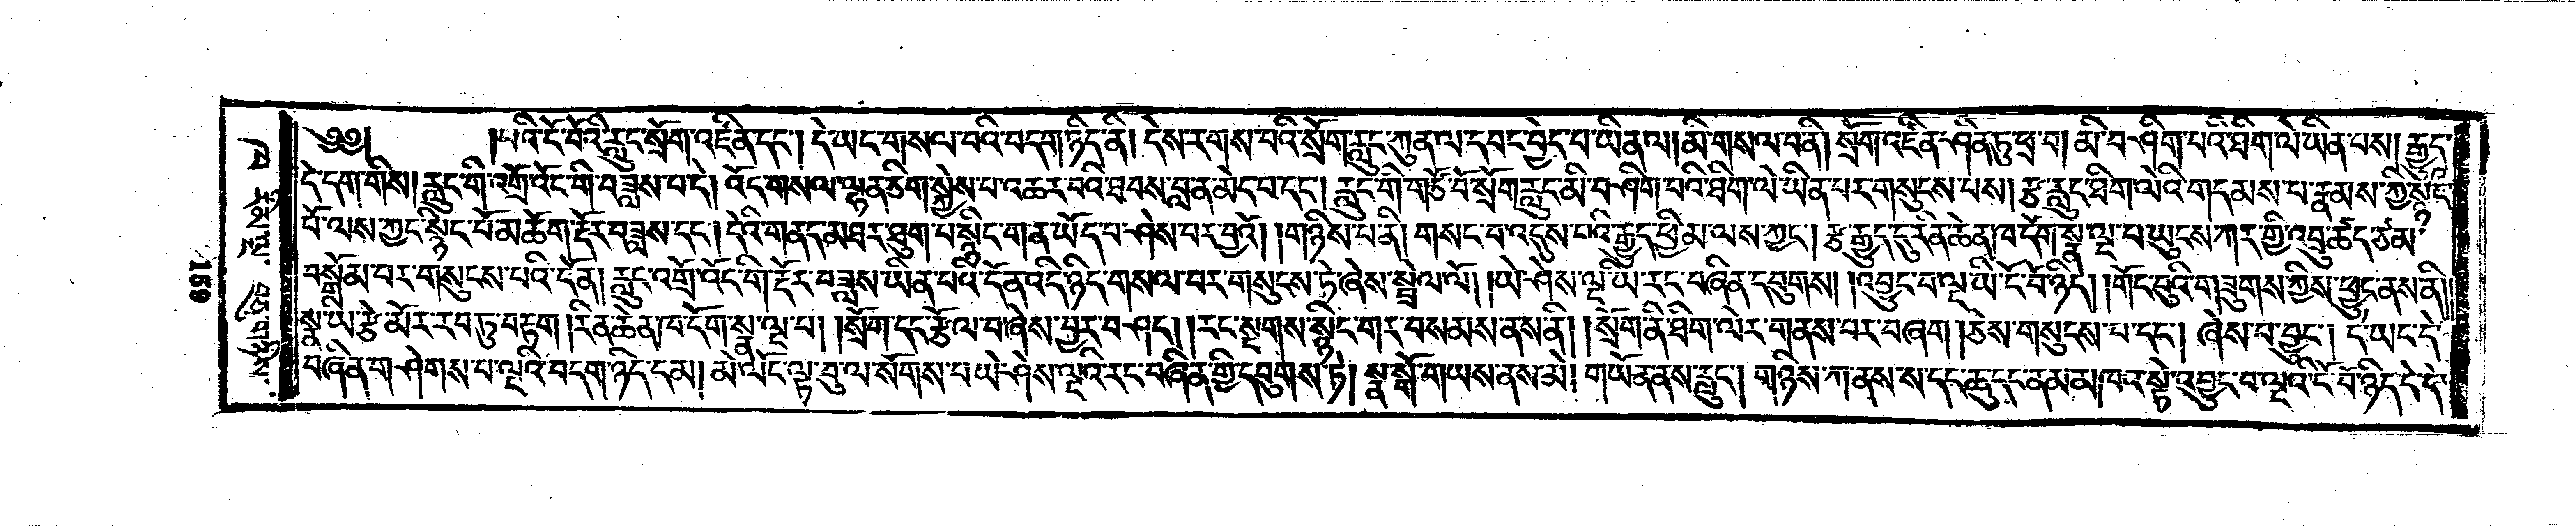༄༅། །པའི་ངོ་བོའི་རླུང་སྲོག་འཛིན་དང་། དེ་ཡང་གསལ་བའི་བདག་ཉིད་ནི། དེས་རགས་པའི་སྲོག་རླུང་ཀུན་ལ་དབང་བྱེད་པ་ཡིན་ལ། མི་གསལ་བ་ནི། སྲོག་འཛིན་ཤིན་ཏུ་ཕྲ་བ། མི་བཤིག་པའི་ཐིག་ལེ་ཡིན་པས། རྒྱུད་
དེ་དག་གིས། རླུང་གི་འགྲོ་འོང་གི་བཟླས་པ་དེ། འོད་གསལ་ལྷན་ཅིག་སྐྱེས་པ་འཆར་བའི་ཐབས་བླ་ན་མེད་པ་དང་། རླུང་གི་གཙོ་བོ་སྲོག་རླུང་མི་བཤིག་པའི་ཐིག་ལེ་ཡིན་པར་གསུངས་པས། རྩ་རླུང་ཐིག་ལེའི་གདམས་པ་རྣམས་ཀྱི་སྙིང་
པོ་ལས་ཀྱང་སྙིང་པོ་མཆོག་རྡོར་བཟླས་དང་། དེའི་གནད་མཐར་ཐུག་པ་སྙིང་གར་ཡོད་པ་ཤེས་པར་བྱའོ། །གཉིས་པ་ནི། གསང་བ་འདུས་པའི་རྒྱུད་ཕྱི་མ་ལས་ཀྱང་། རྩ་རྒྱུད་དུ་རིན་ཆེན་ཁ་དོག་སྣ་ལྔ་པ་ཡུངས་ཀར་གྱི་འབྲུ་ཚད་ཙམ་
བསྒོམ་པར་གསུངས་པའི་དོན། རླུང་འགྲོ་འོང་གི་རྡོར་བཟླས་ཡིན་པའི་དོན་འདི་ཉིད་གསལ་བར་གསུངས་ཏེ་ཞེས་སྤྲེལ་ལོ། །ཡེ་ཤེས་ལྔ་ཡི་རང་བཞིན་དབུགས། །འབྱུང་བ་ལྔ་ཡི་ངོ་བོ་ཉིད། །གོང་བུའི་གཟུགས་ཀྱིས་ཕྱུང་ནས་ནི། །
སྣ་ཡི་རྩེ་མོར་རབ་ཏུ་བརྟག །རིན་ཆེན་ཁ་དོག་སྣ་ལྔ་པ། །སྲོག་དང་རྩོལ་བ་ཞེས་བྱར་བཤད། །རང་སྔགས་སྙིང་གར་བསམས་ནས་ནི། །སྲོག་ནི་ཐིག་ལེར་གནས་པར་བཞག །ཅེས་གསུངས་པ་དང་། ཞེས་པ་བྱུང་། དེ་ཡང་དེ་
བཞིན་གཤེགས་པ་ལྔའི་བདག་ཉིད་དམ། མེ་ལོང་ལྟ་བུ་ལ་སོགས་པ་ཡེ་ཤེས་ལྔའི་རང་བཞིན་གྱི་དབུགས་ཏེ། སྣ་སྒོ་གཡས་ནས་མེ། གཡོན་ནས་རླུང་། །གཉིས་ཀ་ནས་ས་དང་ཆུ་དང་ནམ་མཁའ་སྟེ་འབྱུང་བ་ལྔའི་ངོ་བོ་ཉིད་དེ་དེ་